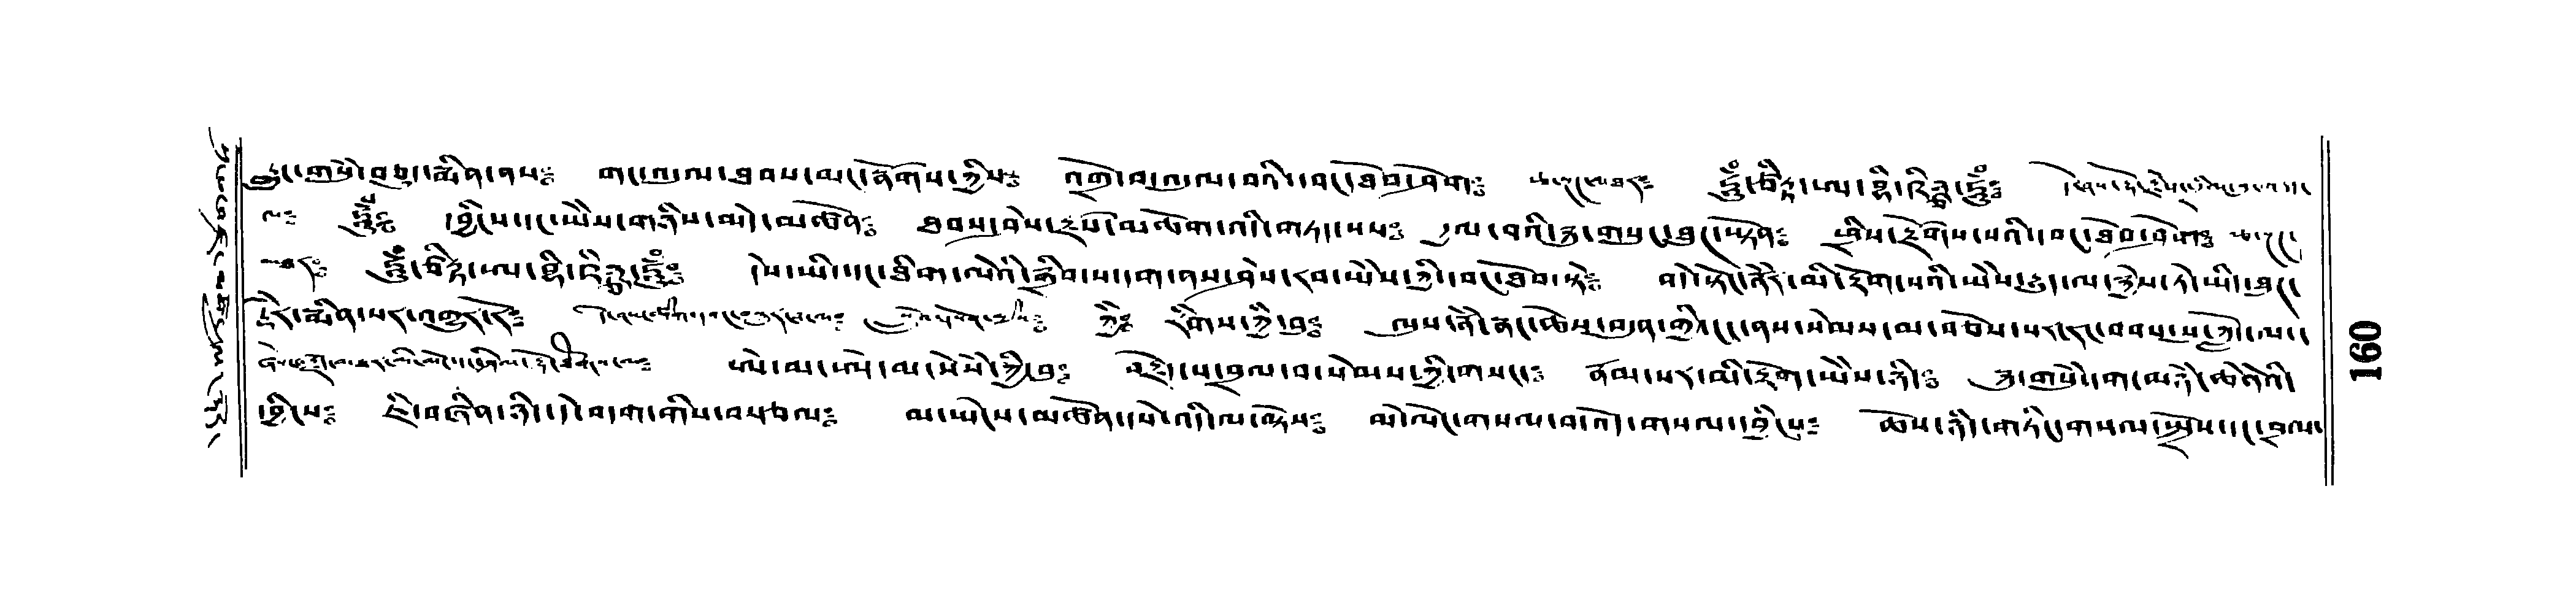རླུང་གསུམ་བཅུད་སྨིན་ནས༔ གང་འདུལ་ཐབས་མང་སྣ་ཚོགས་ཀྱིས༔ འགྲོ་བ་འདུལ་བའི་དབང་ཐོབ་ཤོག༔ རྩ་སྔགས་མཐར༔ ཧཱུྃ་ཙིཏྟ་ཨ་བྷི་རིཉྩ་ཧཱུྃ༔ དེ་ནས་རྡོ་རྗེ་དང་དྲིལ་བུ་གཏད་
ལ༔ ཧཱུྃ༔ དབྱིངས་དང་ཡེ་ཤེས་གཉིས་མེད་མཚོན༔ཐབས་ཤེས་རྫས་མཆོག་འདི་གཏད་པས༔ རྒྱལ་བའི་སྐུ་གསུང་ཐུགས་ཡོན་ཏན༔ ཕྲིན་ལས་རྫོགས་པའི་དབང་ཐོབ་ཤོག༔ རྩ་སྔགས་
མཐར༔ ཧཱུྃ་ཙིཏྟ་ཨ་བྷི་རིཉྩ་ཧཱུྃ༔ དེས་ཡིད་དང་ཐིག་ལེའི་སྒྲིབ་པ་དག་ནས་ཤེས་རབ་ཡེ་ཤེས་ཀྱི་དབང་ཐོབ་སྟེ༔ བདེ་སྟོང་རྣམ་པར་མི་རྟོག་པའི་ཡེ་ཤེས་རྒྱུད་ལ་སྐྱེས་ཏེ་ཡིད་ཐུགས་
རྡོ་རྗེར་སྨིན་པར་འགྱུར་རོ༔ དེ་ནས་ཚིག་དབང་བསྐུར་བ་ལ༔ སློབ་དཔོན་གྱིས༔ ཀྱཻ༔ རིགས་ཀྱི་བུ༔ ལུས་རྣམ་སྣང་ཆོས་བདུན་གྱི་ངང་ནས་སེམས་མ་བཅོས་པར་རང་བབས་སུ་ཀློད་ལ༔ 
ཞེས་བརྗོད་མཐར་མེ་ལོང་དང་ཤེལ་རྡོ་ཐོགས་ལ༔ ཨེ་མ་ཨེ་མ་སེམས་ཀྱི་བུ༔ བརྗོད་པ་བྲལ་བ་སེམས་ཀྱི་གསང༔ རྣམ་པར་མི་རྟོག་ཡེ་ཤེས་ཉིད༔ སྐུ་གསུམ་དག་མཉམ་ཆེན་པོའི་
དབྱིངས༔ ཇི་བཞིན་ཉིད་དེ་བདག་གིས་བསྩལཿ མ་ཡེངས་མཚོན་དཔེ་འདི་ལ་བསྟོས༔ མེ་ལོང་གསལ་བ་འོད་གསལ་དབྱིངས༔ ཆོས་ཉིད་གཏིང་གསལ་སྤྲོས་དང་བྲལ༔